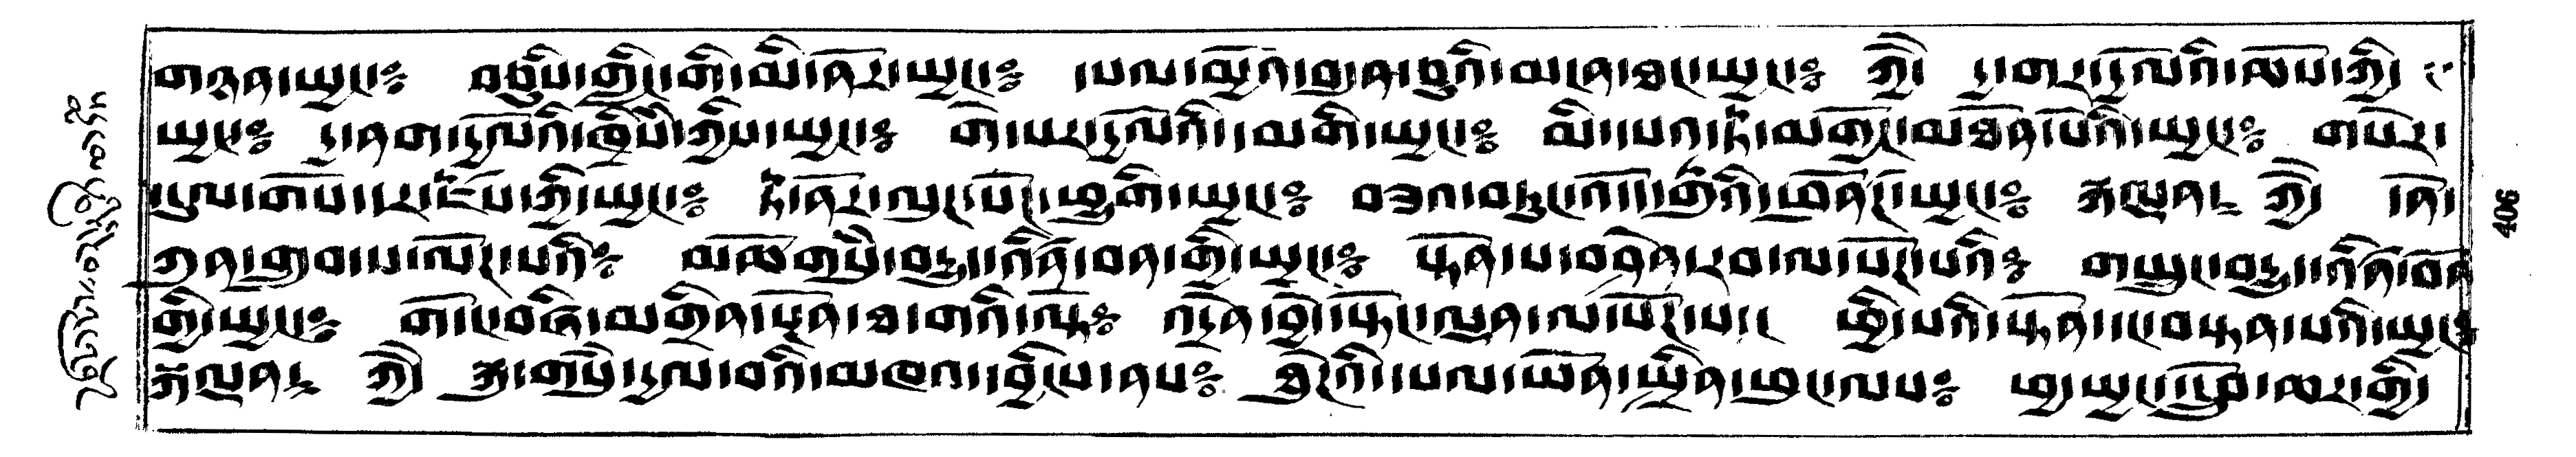གཉན་གཡང༔ བཅུ་ཉིས་གླིང་གི་མི་ནོར་གཡང༔ དཔལ་མགོན་བདུན་ཅུའི་མངའ་ཐང་གཡང༔ ཀྱཻ རྒྱ་གར་རྒྱལ་པོའི་ཆོས་ཀྱི་
གཡང༔ རྒྱ་ནག་རྒྱལ་པོའི་ཁྲིམསཀྱི་གཡང༔ གེ་སར་རྒྱལ་པོའི་དམག་གི་གཡང༔ མི་དཔའ་རྟ་མགྱོགས་མཐོན་པོའི་གཡང༔ གསེར་
དངུལ་གོས་དར་རྫས་ཀྱི་གཡང༔ རྟ་ནོར་ལུག་སོགས་ཕྱུགས་ཀྱི་གཡང༔ བཟའ་བཏུང་འདོད་རྒུའི་ཕུན་ཚོགས་གཡང༔ སྐལ་ལྡན་༴ ཀྱཻ༔ དོན་
ཀུན་གྲུབ་པ་ལ་སོགས་པའི༴ མཆོག་གསུམ་བརྒྱུད་འཛིན་བན་གྱི་གཡང༔ སྟོན་པ་བཤེན་རབ་ལ་སོགས་པའི༔ གཡུ་དྲུང་བརྒྱུད་འཛིན་བོན་
གྱི་གཡང༔ གདོང་བཞི་མགྲིན་སྔོན་ཐ་གུའི་ལྟོ༔ འདྲེན་བྱེད་སྟོང་ལྡན་ལ་སོགས་པ། ཕྱི་པའི་སྟོན་དང་བསྟན་པའི་གཡང༔ 
སྐལ་ལྡན༴ ཀྱཻ༔ སྐུ་གསུམ་རྒྱལ་བའི་མཁའ་དབྱིངས་ནས༔ ཐུགས་རྗེའི་དཔལ་ཡོན་སྤྲིན་ཕུང་ལས༔ ཕྱྭ་གཡང་དངོས་གྲུབ་ཆར་གྱི